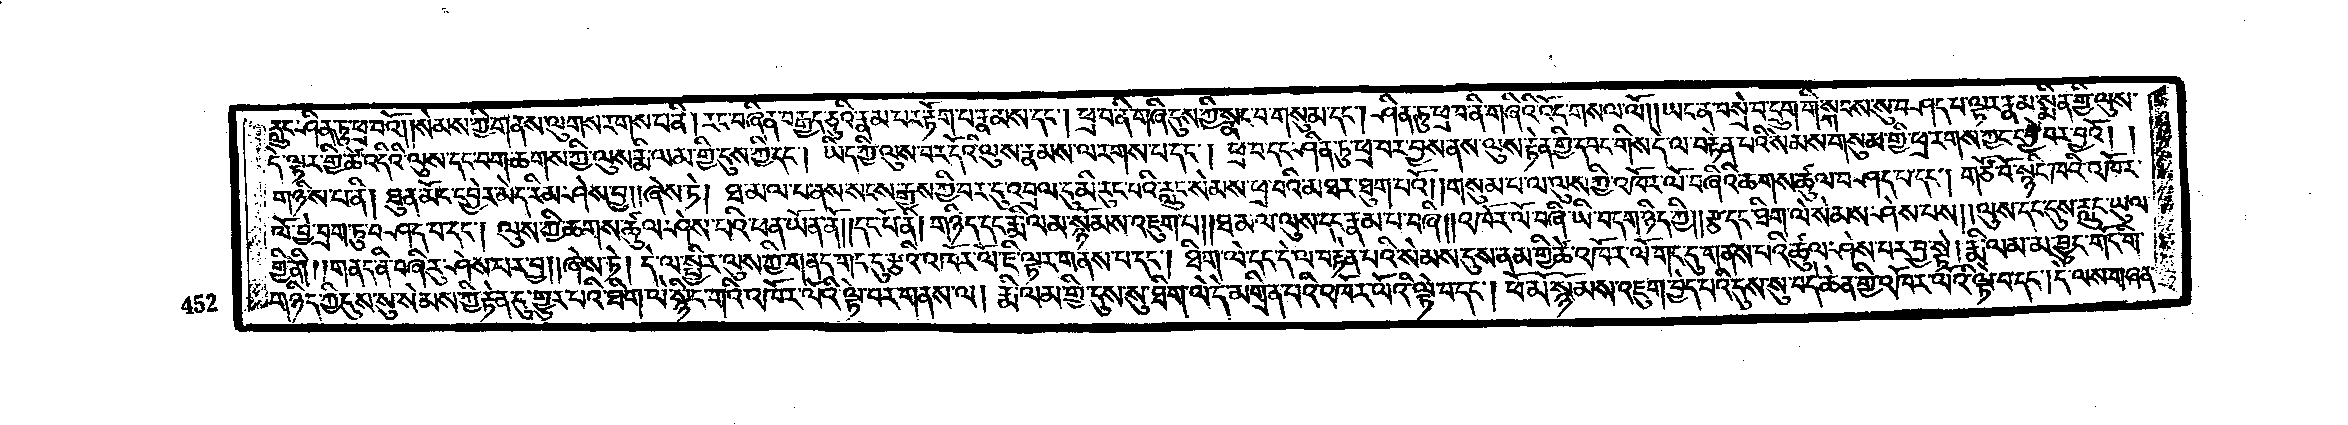རླུང་ཤིན་ཏུ་ཕྲ་བའོ། །སེམས་ཀྱི་གནས་ལུགས་རགས་པ་ནི། རང་བཞིན་བརྒྱད་ཅུའི་རྣམ་པར་རྟོག་པ་རྣམས་དང་། ཕྲ་བ་ནི་གཞི་དུས་ཀྱི་སྣང་བ་གསུམ་དང་། ཤིན་ཏུ་ཕྲ་བ་ནི་གཞིའི་འོད་གསལ་ལོ། །ཡང་ན་བསྲེ་བ་དྲུག་གི་སྐབས་སུ་བཤད་པ་ལྟར་རྣམ་སྨིན་གྱི་ལུས་
ད་ལྟར་གྱི་ཆེ་འདིའི་ལུས་དང་བག་ཆགས་ཀྱི་ལུས་རྨི་ལམ་གྱི་དུས་ཀྱི་དང་། ཡིད་ཀྱི་ལུས་བར་དོའི་ལུས་རྣམས་ལ་རགས་པ་དང་། ཕྲ་བ་དང་ཤིན་ཏུ་ཕྲ་བར་བྱས་ནས་ལུས་རྟེན་གྱི་དབང་གིས་དེ་ལ་བརྟེན་པའི་སེམས་གསུམ་གྱི་ཕྲ་རགས་ཀྱང་དབྱེ་བར་བྱའོ། །
གཉིས་པ་ནི། ཐུན་མོང་དབྱེར་མེད་རིམ་ཤེས་བྱ། །ཞེས་ཏེ། ཐ་མལ་པ་ནས་སངས་རྒྱས་ཀྱི་བར་དུ་འབྲལ་དུ་མི་རུང་པའི་རླུང་སེམས་ཕྲ་བའི་མཐར་ཐུག་པའོ། །གསུམ་པ་ལ་ལུས་ཀྱི་འཁོར་ལོ་བཞིའི་ཆགས་ཚུལ་བཤད་པ་དང་། གཙོ་བོ་སྙིང་ཁའི་འཁོར་
ལོ་བྱེ་བྲག་ཏུ་བཤད་པ་དང་། ལུས་ཀྱི་ཆགས་ཚུལ་ཤེས་པའི་ཕན་ཡོན་ནོ། །དང་པོ་ནི། གཉིད་དང་རྨི་ལམ་སྙོམས་འཇུག་པ། །ཐ་མལ་ལུས་དང་རྣམ་པ་བཞི། །འཁོར་ལོ་བཞི་ཡི་བདག་ཉིད་ཀྱི། །རྩ་དང་ཐིག་ལེ་སེམས་ཤེས་པས། །ལུས་དང་དུས་རླུང་ཡུལ་
གྱི་ནི། །གནད་ནི་བཞི་རུ་ཤེས་པར་བྱ། །ཞེས་ཏེ། དེ་ལ་སྤྱིར་ལུས་ཀྱི་གནད་གང་དུ་རྩའི་འཁོར་ལོ་ཇི་ལྟར་གནས་པ་དང་། ཐིག་ལེ་དང་དེ་ལ་བརྟེན་པའི་སེམས་དུས་ནམ་གྱི་ཚེ་འཁོར་ལོ་གང་དུ་གནས་པའི་ཚུལ་ཤེས་པར་བྱ་སྟེ། རྨི་ལམ་མ་བྱུང་གོང་གི་
གཉིད་ཀྱི་དུས་སུ་སེམས་ཀྱི་རྟེན་དུ་གྱུར་པའི་ཐིག་ལེ་སྙིང་གའི་འཁོར་ལོའི་ལྟེ་བར་གནས་ལ། རྨི་ལམ་གྱི་དུས་སུ་ཐིག་ལེ་དེ་མགྲིན་པའི་འཁོར་ལོའི་ལྟེ་བ་དང་། ཕོ་མོ་སྙོམས་འཇུག་བྱེད་པའི་དུས་སུ་བདེ་ཆེན་གྱི་འཁོར་ལོའི་ལྟེ་བ་དང་། དེ་ལས་གཞན་